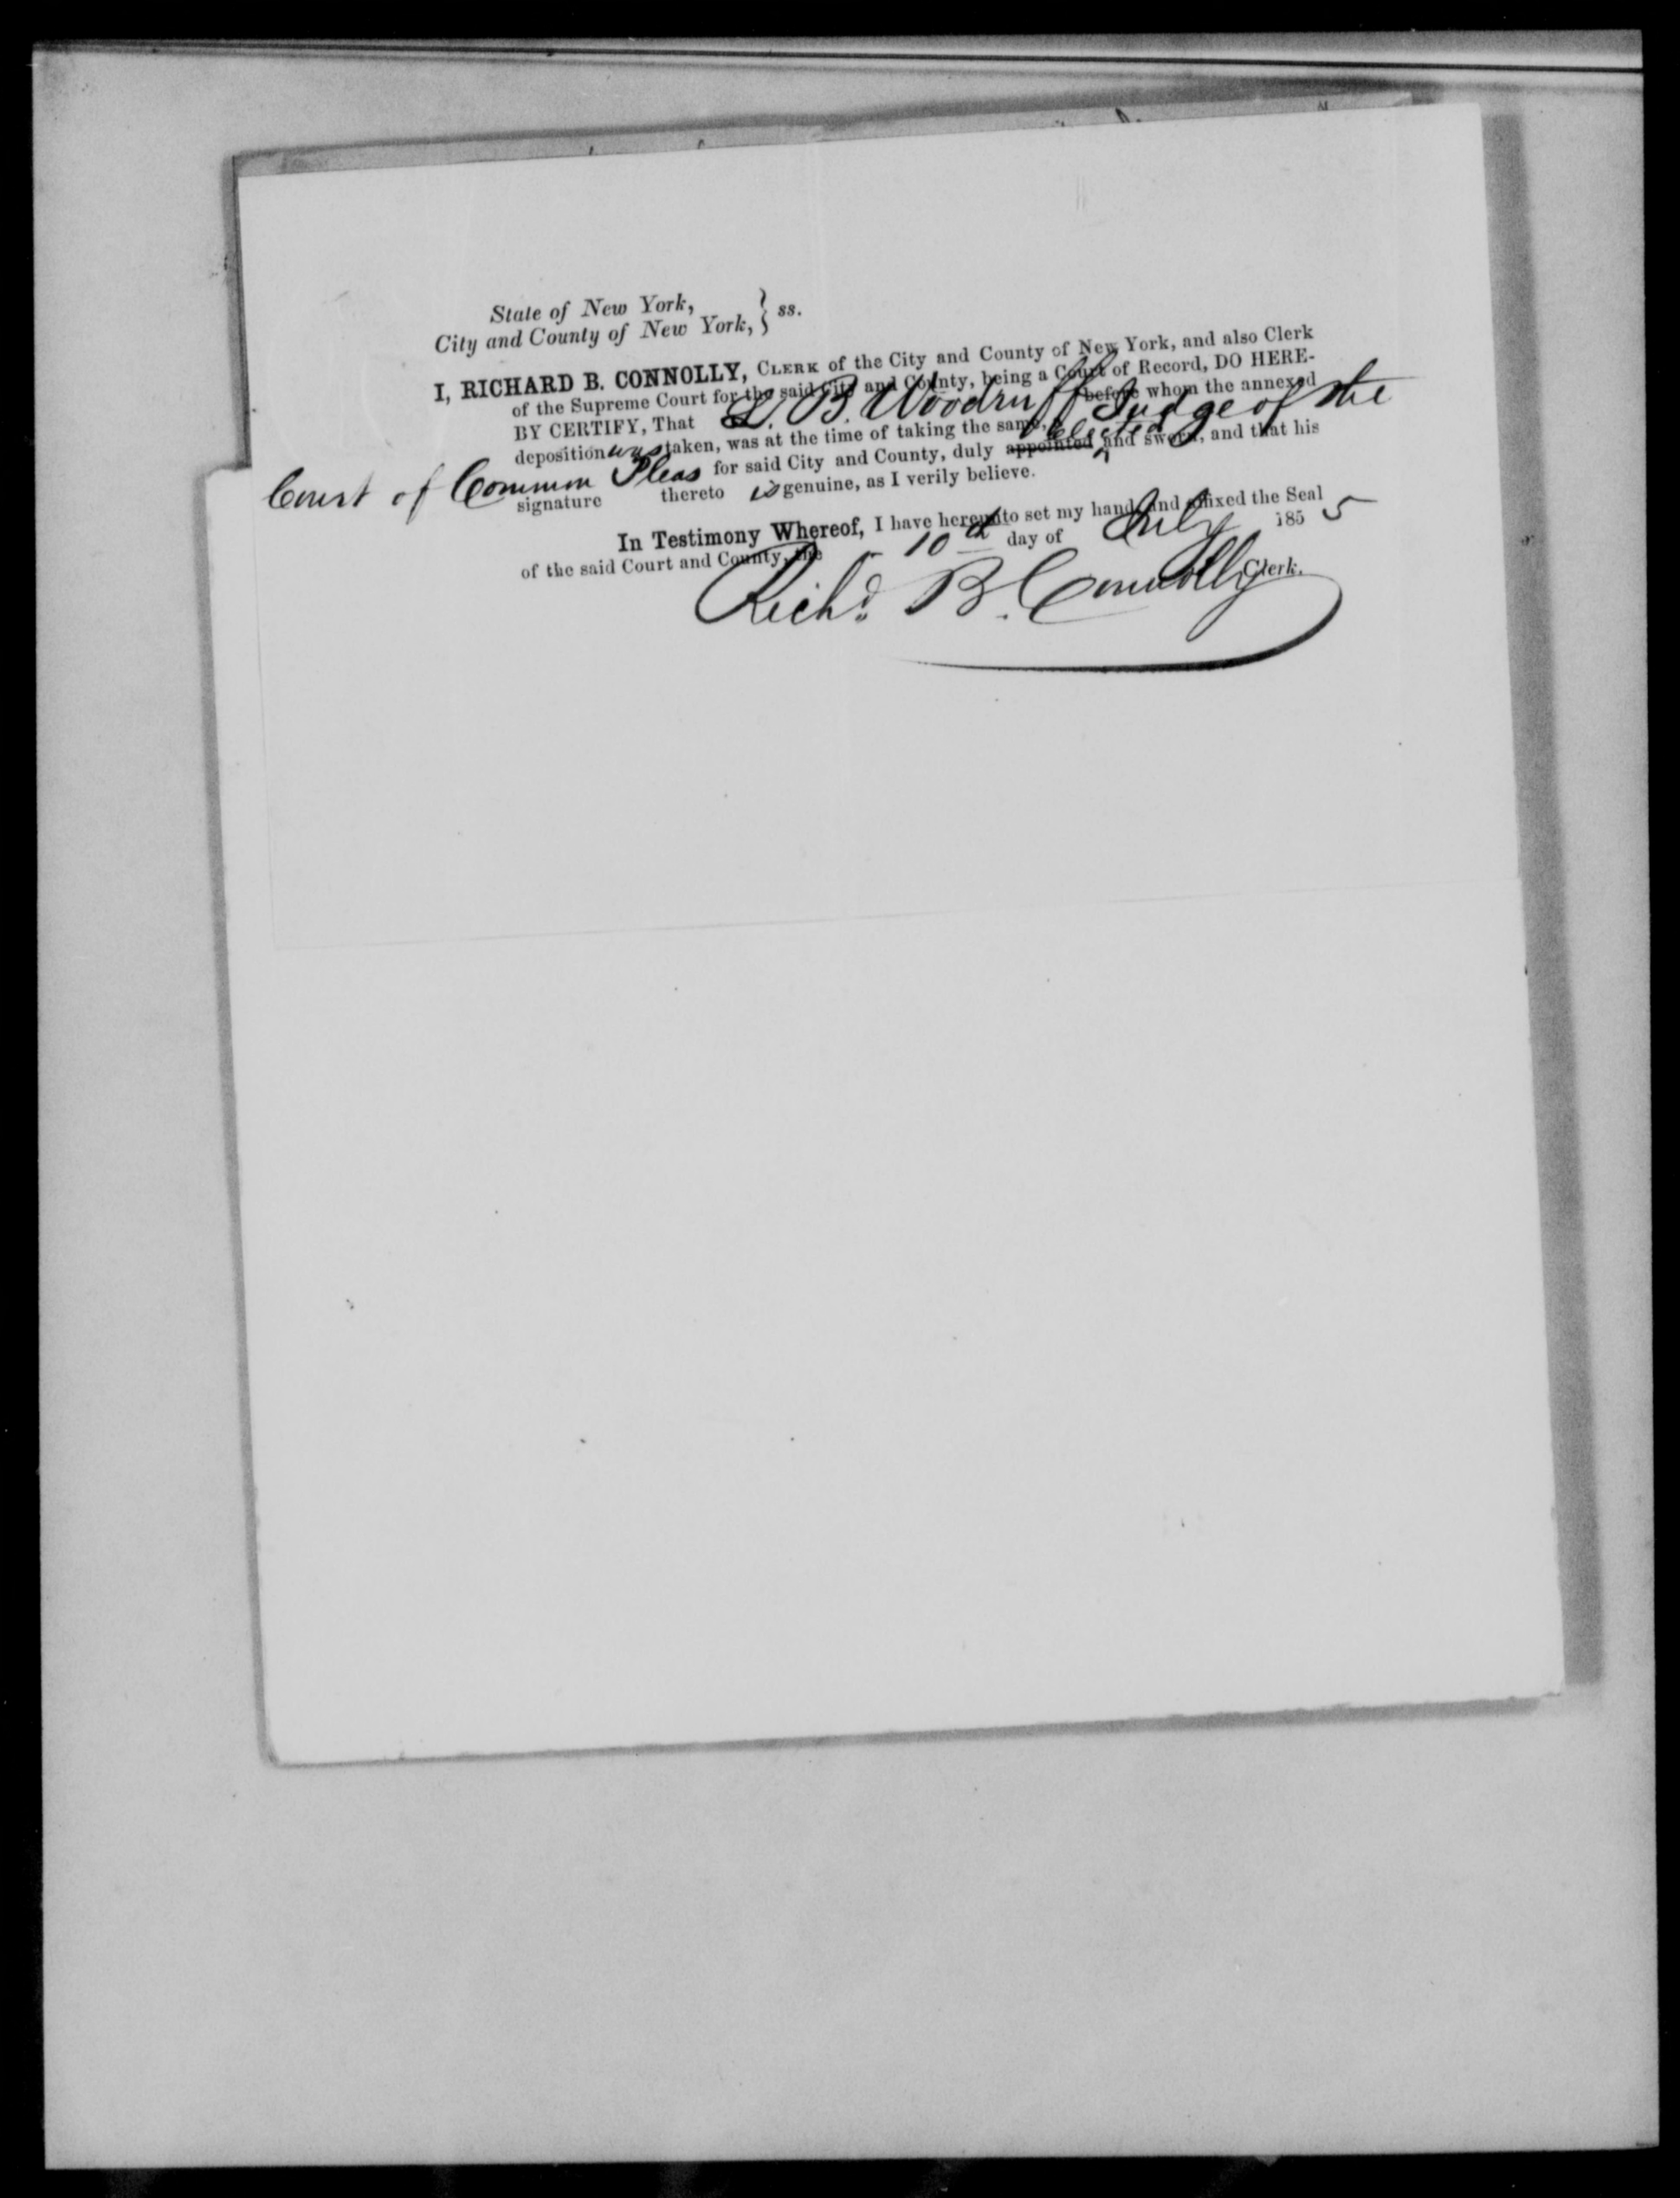State of New York,
City and County of New York, } SS

I, RICHARD B. CONNOLLY, Clerk of the City and County of New York and also Clerk of the Supreme Court for the said City and County, being a Court of Record, DO HEREBY CERTIFY, That S.B. Woodruff before whom the annexed deposition was taken, was at the time of taking the same, Judge of the Court of Common Pleas for said City and County, duly [appointed-crossed out] ^elected Judge of the Court of Common Pleas and sworn, and that his signature thereto is genuine as I verily believe.

In Testimony Whereof, I have hereunto set my hand and affixed the Seal of the said Court and County, the 10th day of July 1855

Richard B. Connolly  Clerk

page: 14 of 101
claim: widow's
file: W. 25481, for Peter V Tilyou, New Jersey